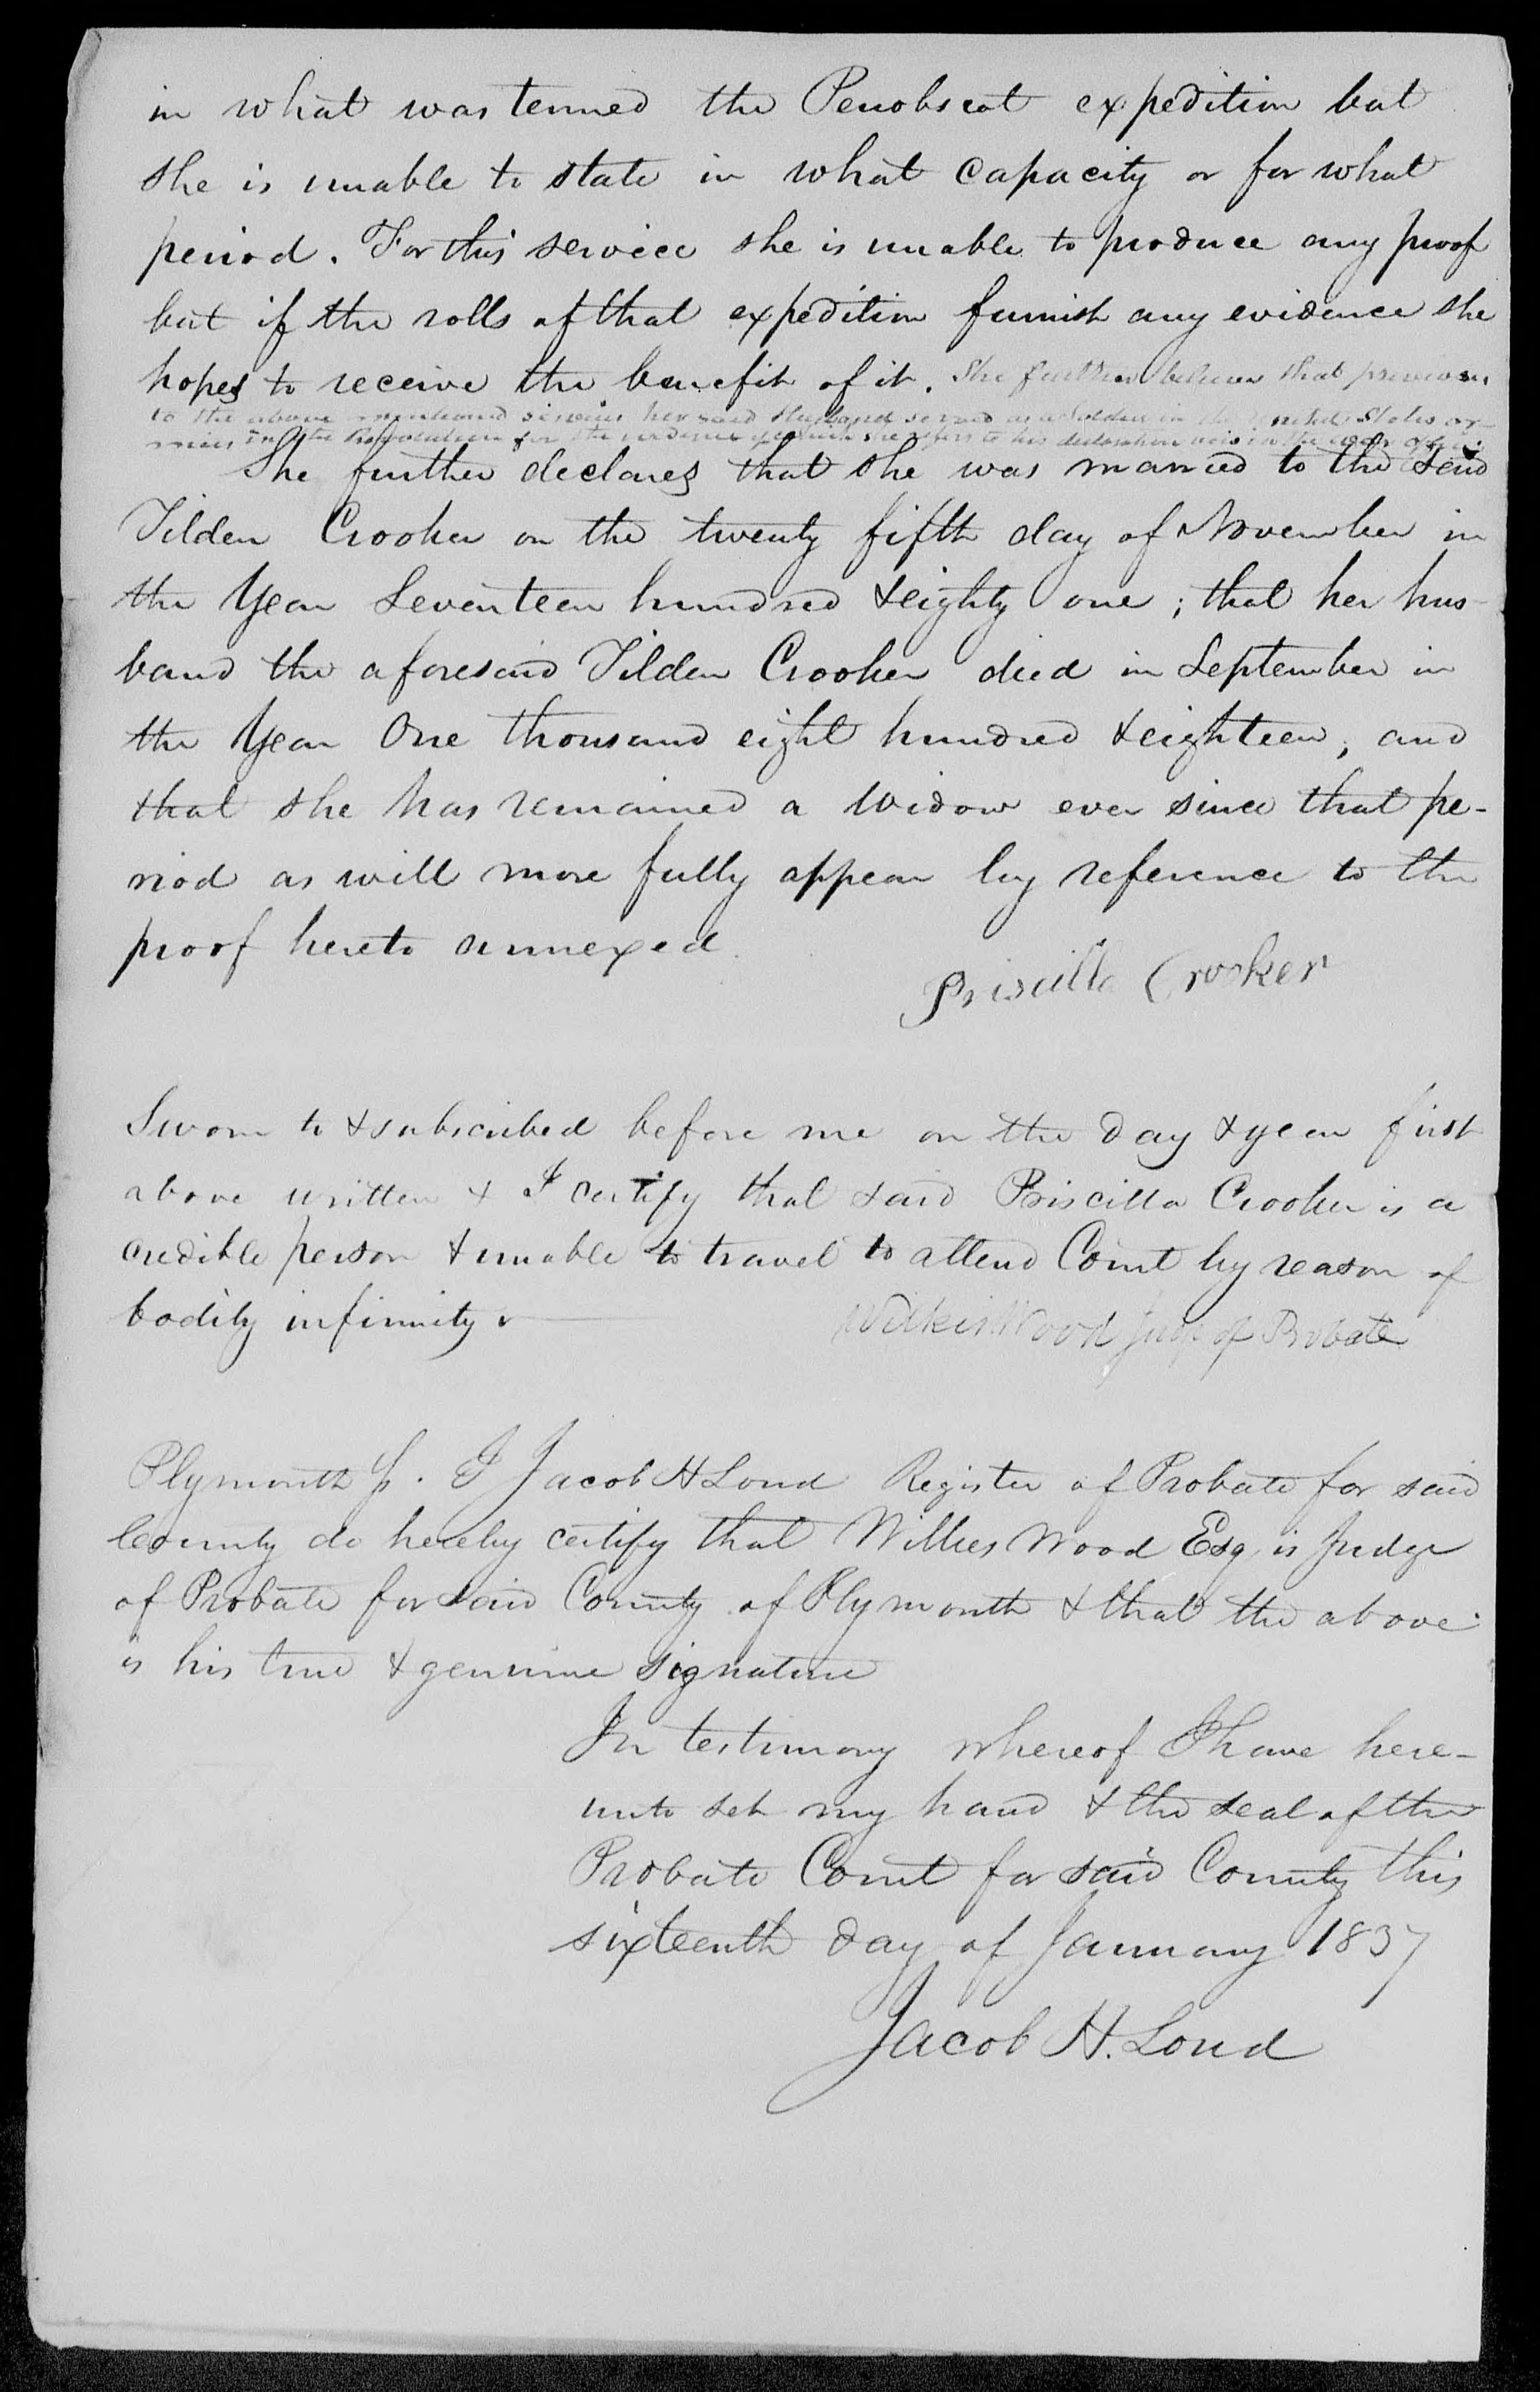in what was termed the Penobscot expedition but she is unable to state in what capacity or for what period. For this service she is unable to produce any proof but if the rolls of that expedition furnish any evidence she hopes to receive the benefit of it.  She further believes that  previous to the above mentioned service her said husband served as a soldier in the United States armies in the Revolution for the ? she refers to his declaration in the War Office.
She further declares that she was married to the said Tilden Crooker on the twenty fifth day of November in the year seventeen hundred and eighty one; that her husband the aforesaid Tilden Crooker died in September in the year one thousand eight hundred and eighteen, and that she has remained a widow ever since that period as will more fully appear by reference to the proof hereto annexed. 

Priscilla Crooker

Sworn to and subscribed before me on the day and year first above written and I certify that said Priscilla Crooker is a credible person and unable to travel to attend the Court by  reason of bodily infirmity.

Wilkes Wood Judge of Probate

Plymouth ss.  I Jacob H. Loud Register of Probate for said County do hereby certify that Wilkes Wood Esq. is Judge of Probate for said County of Plymouth and that the above is his true and genuine signature.

In testimony whereof I have hereunto set my hand and the seal of this Probate Court for said County this sixteenth day of January 1837.

Jacob H. Loud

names: Jacob H Loud, Tilden Crooker, Priscilla Crooker, Walker Wood, Priscilla Crooker, Tilden Crooker, Willies Wood, Jacob H Loud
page: 9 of 33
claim: widow's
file: W. 22862, Tilden Crooker, Mass Navy